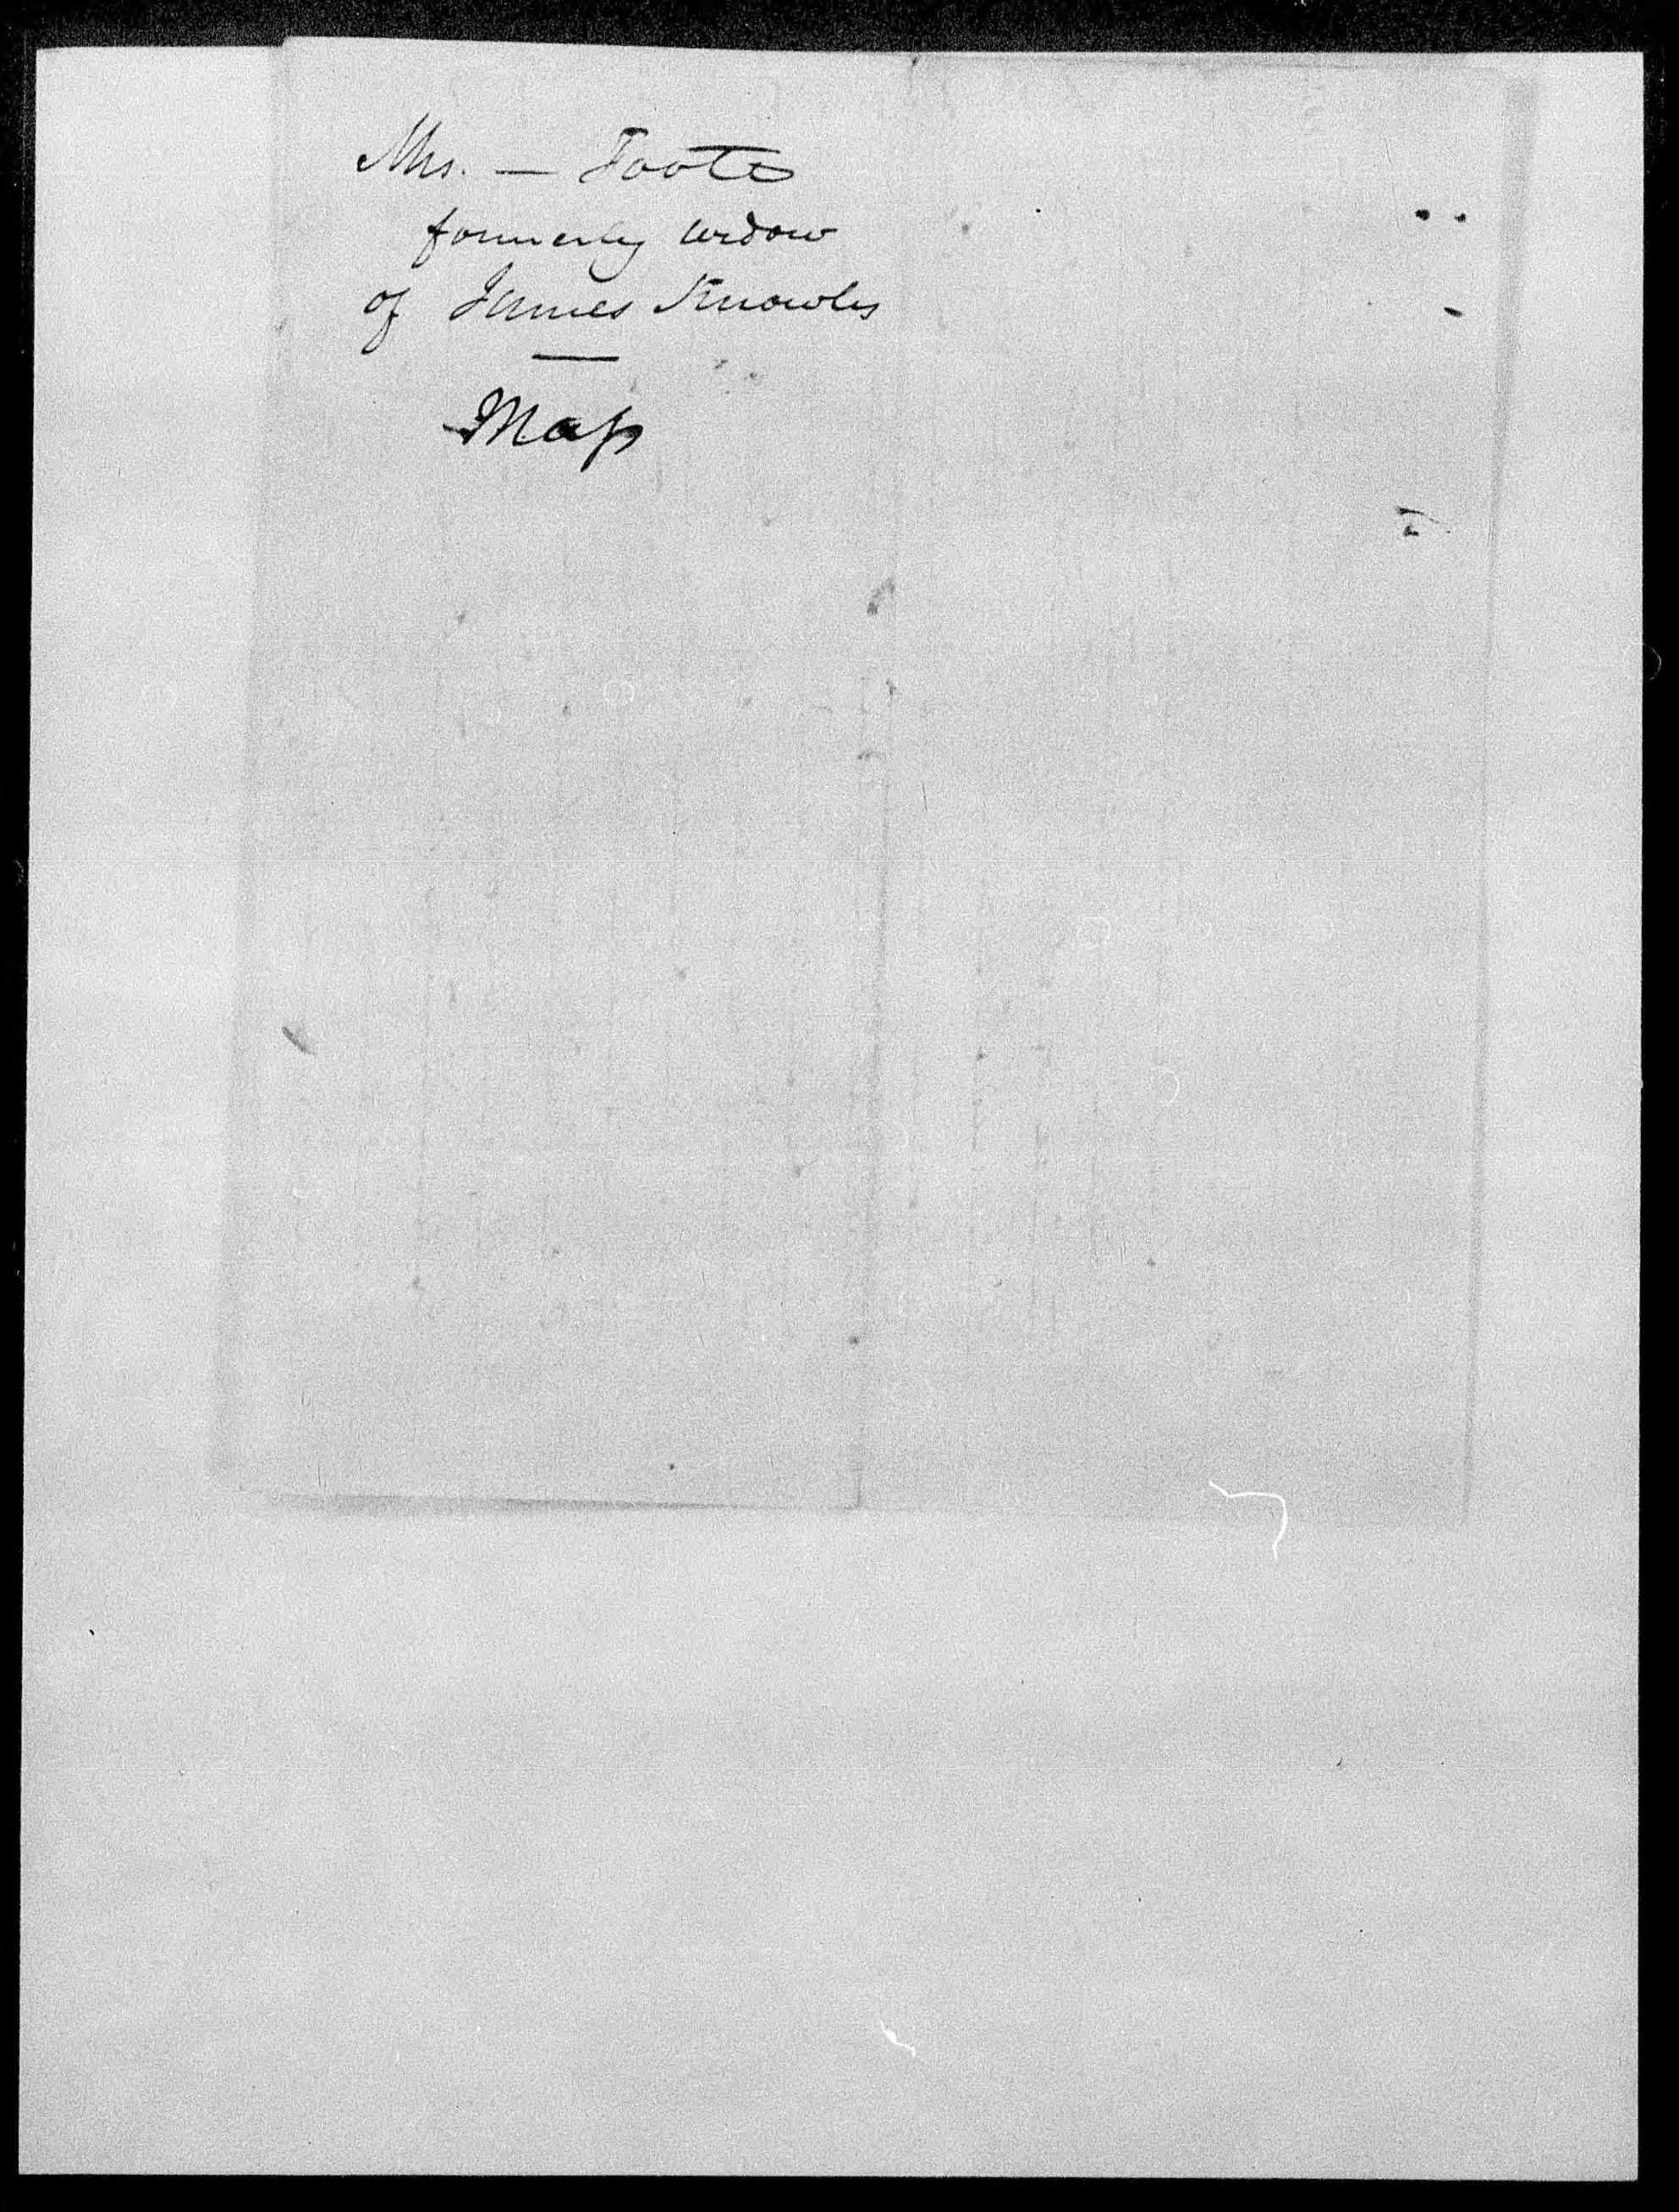Mrs. -- Foote
formerly widow of James Knowles
Mass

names: James Knowles; [BLANK] Foot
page: 49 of 60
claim: widow's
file: W. 14,036, for James Knowles, Connecticut